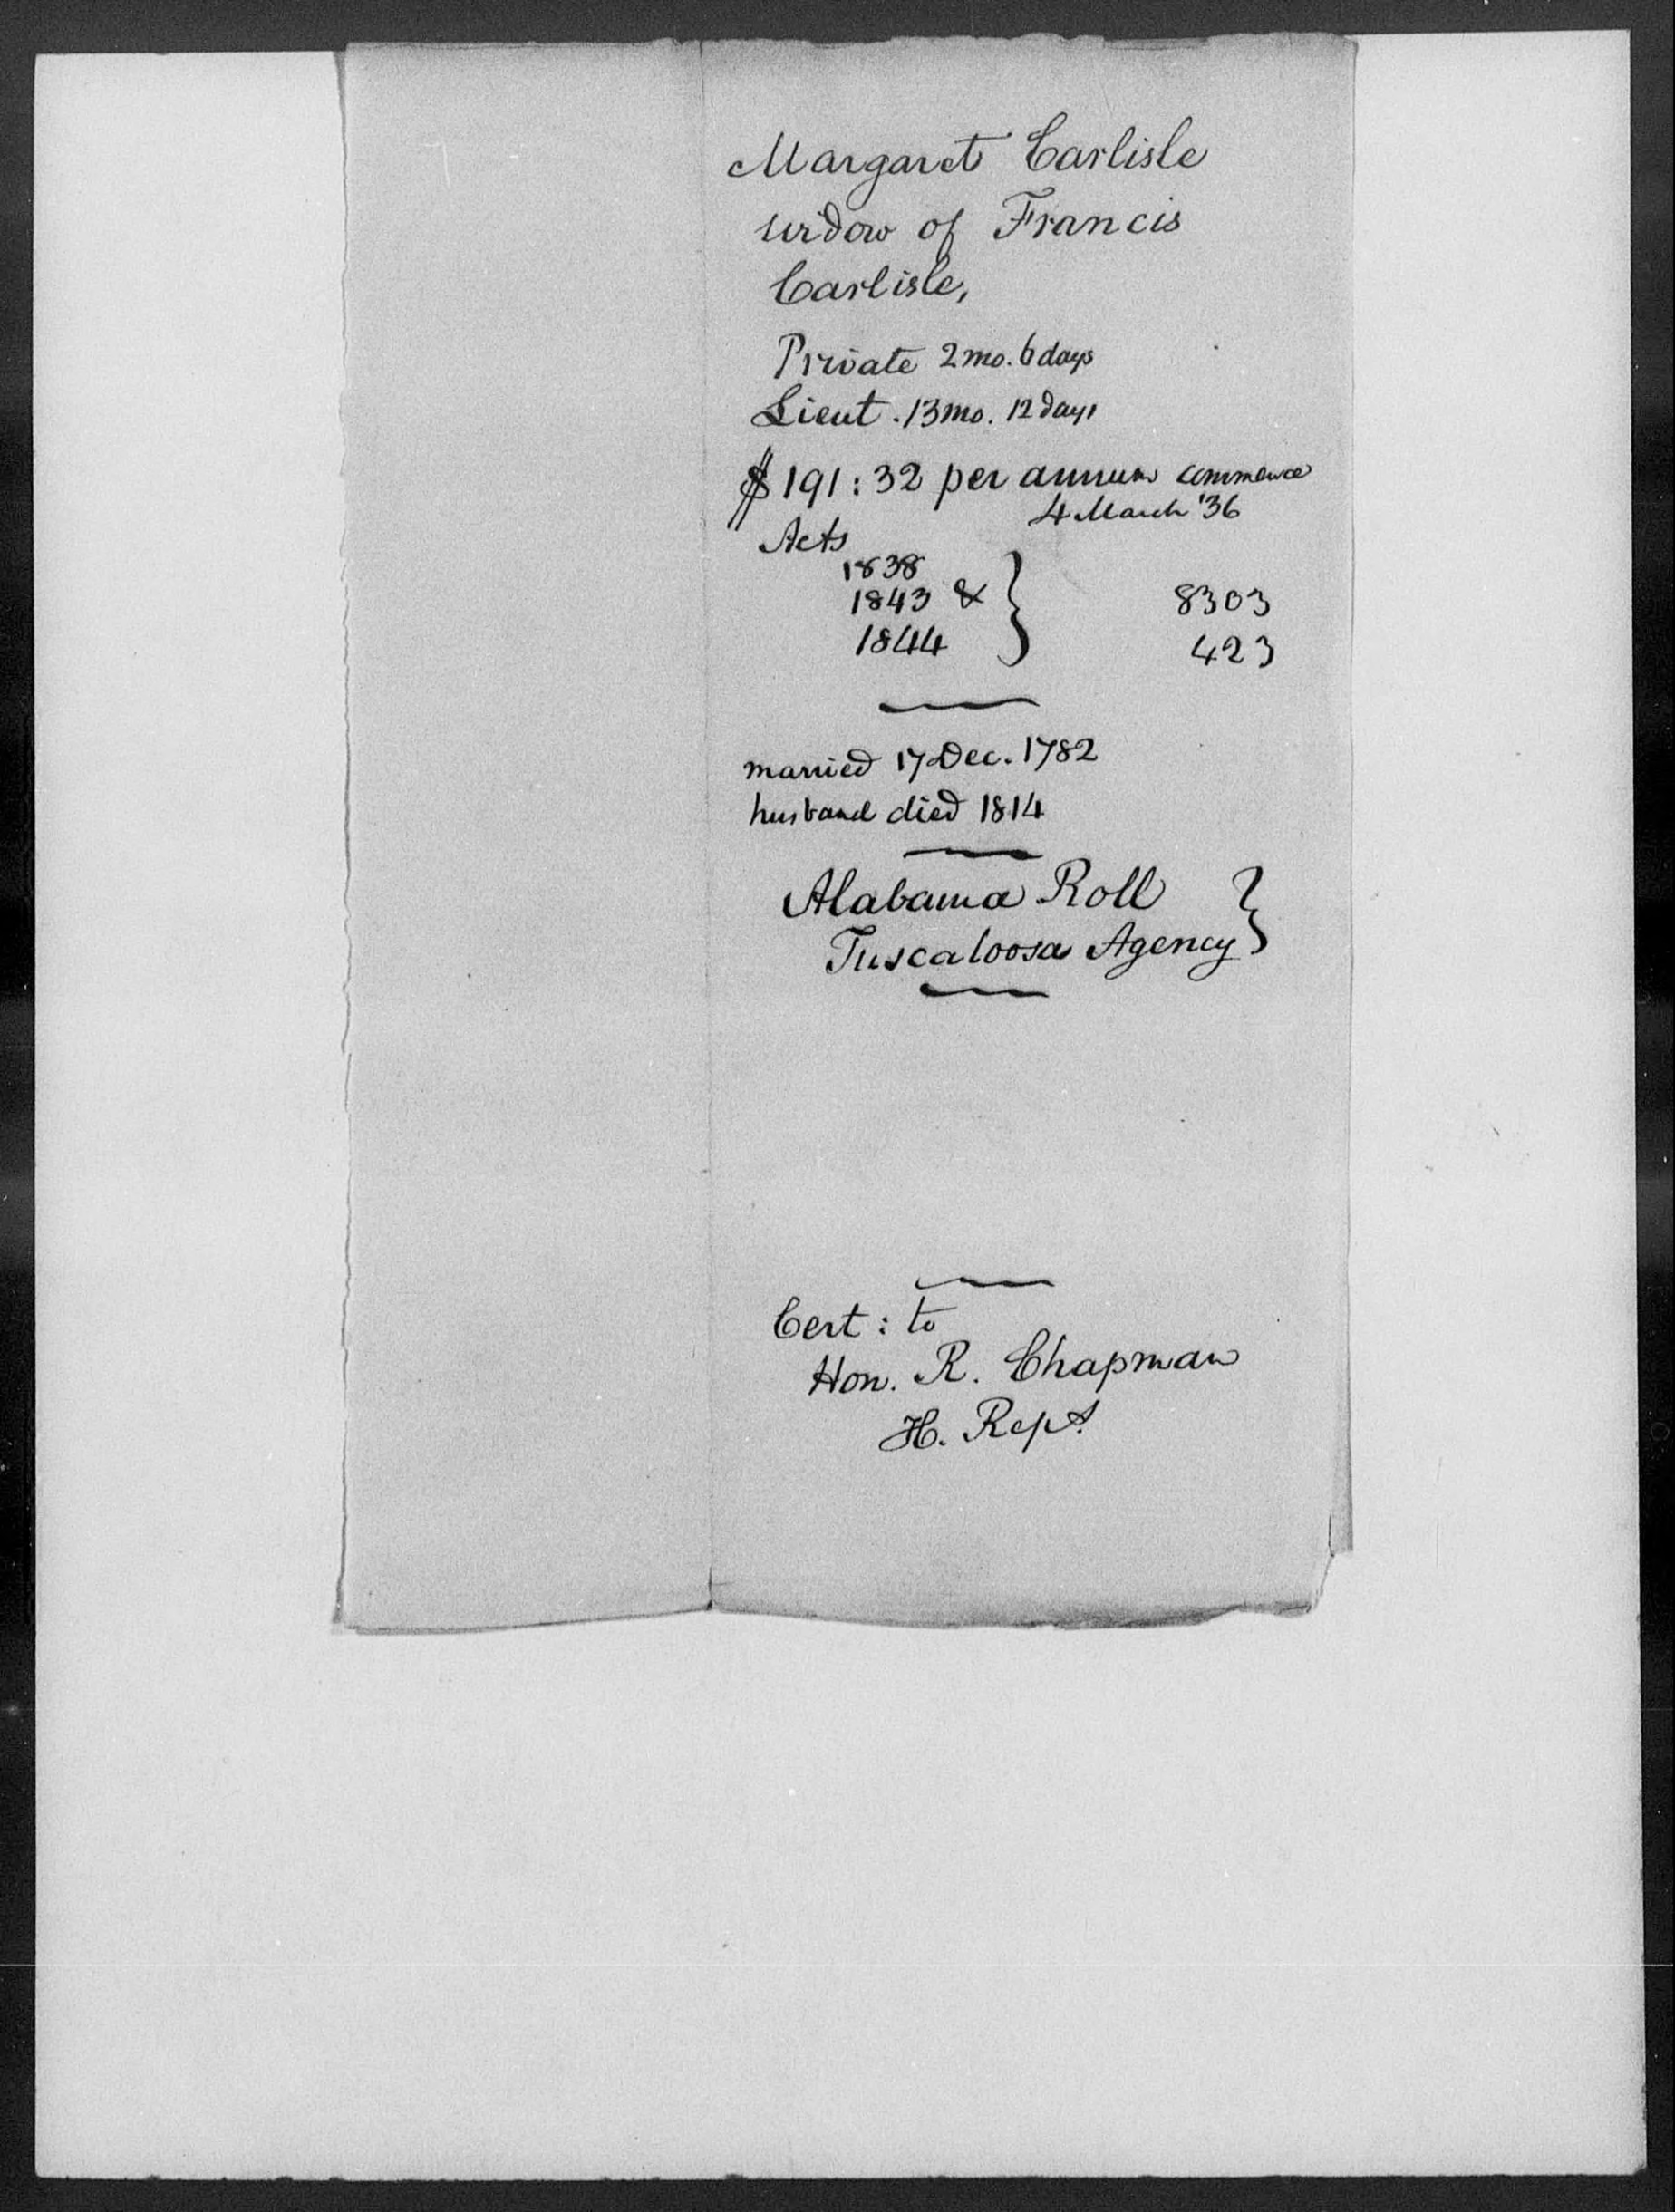Margaret Carlisle
widow of Francis
Carlisle,
Private 2 mo. 6 days
Lieut. 13 mo. 12 days
$191.33 per annum commence
4 March '36
Acts
1838     }
1843 & } 
1844      }

8303
   423

____
married 17 Dec. 1782
husband died 1814
___
Alabama Roll.            }
Tuscaloosa Agency }
_____
_____
Cert: to
Hon. R. Chapman
H. Reps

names: H Reps, Margaret Carlisle, R Chapman, Francis Carlisle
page: 23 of 91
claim: widow's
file: W. 10576, Francis Carlisle, S.C.